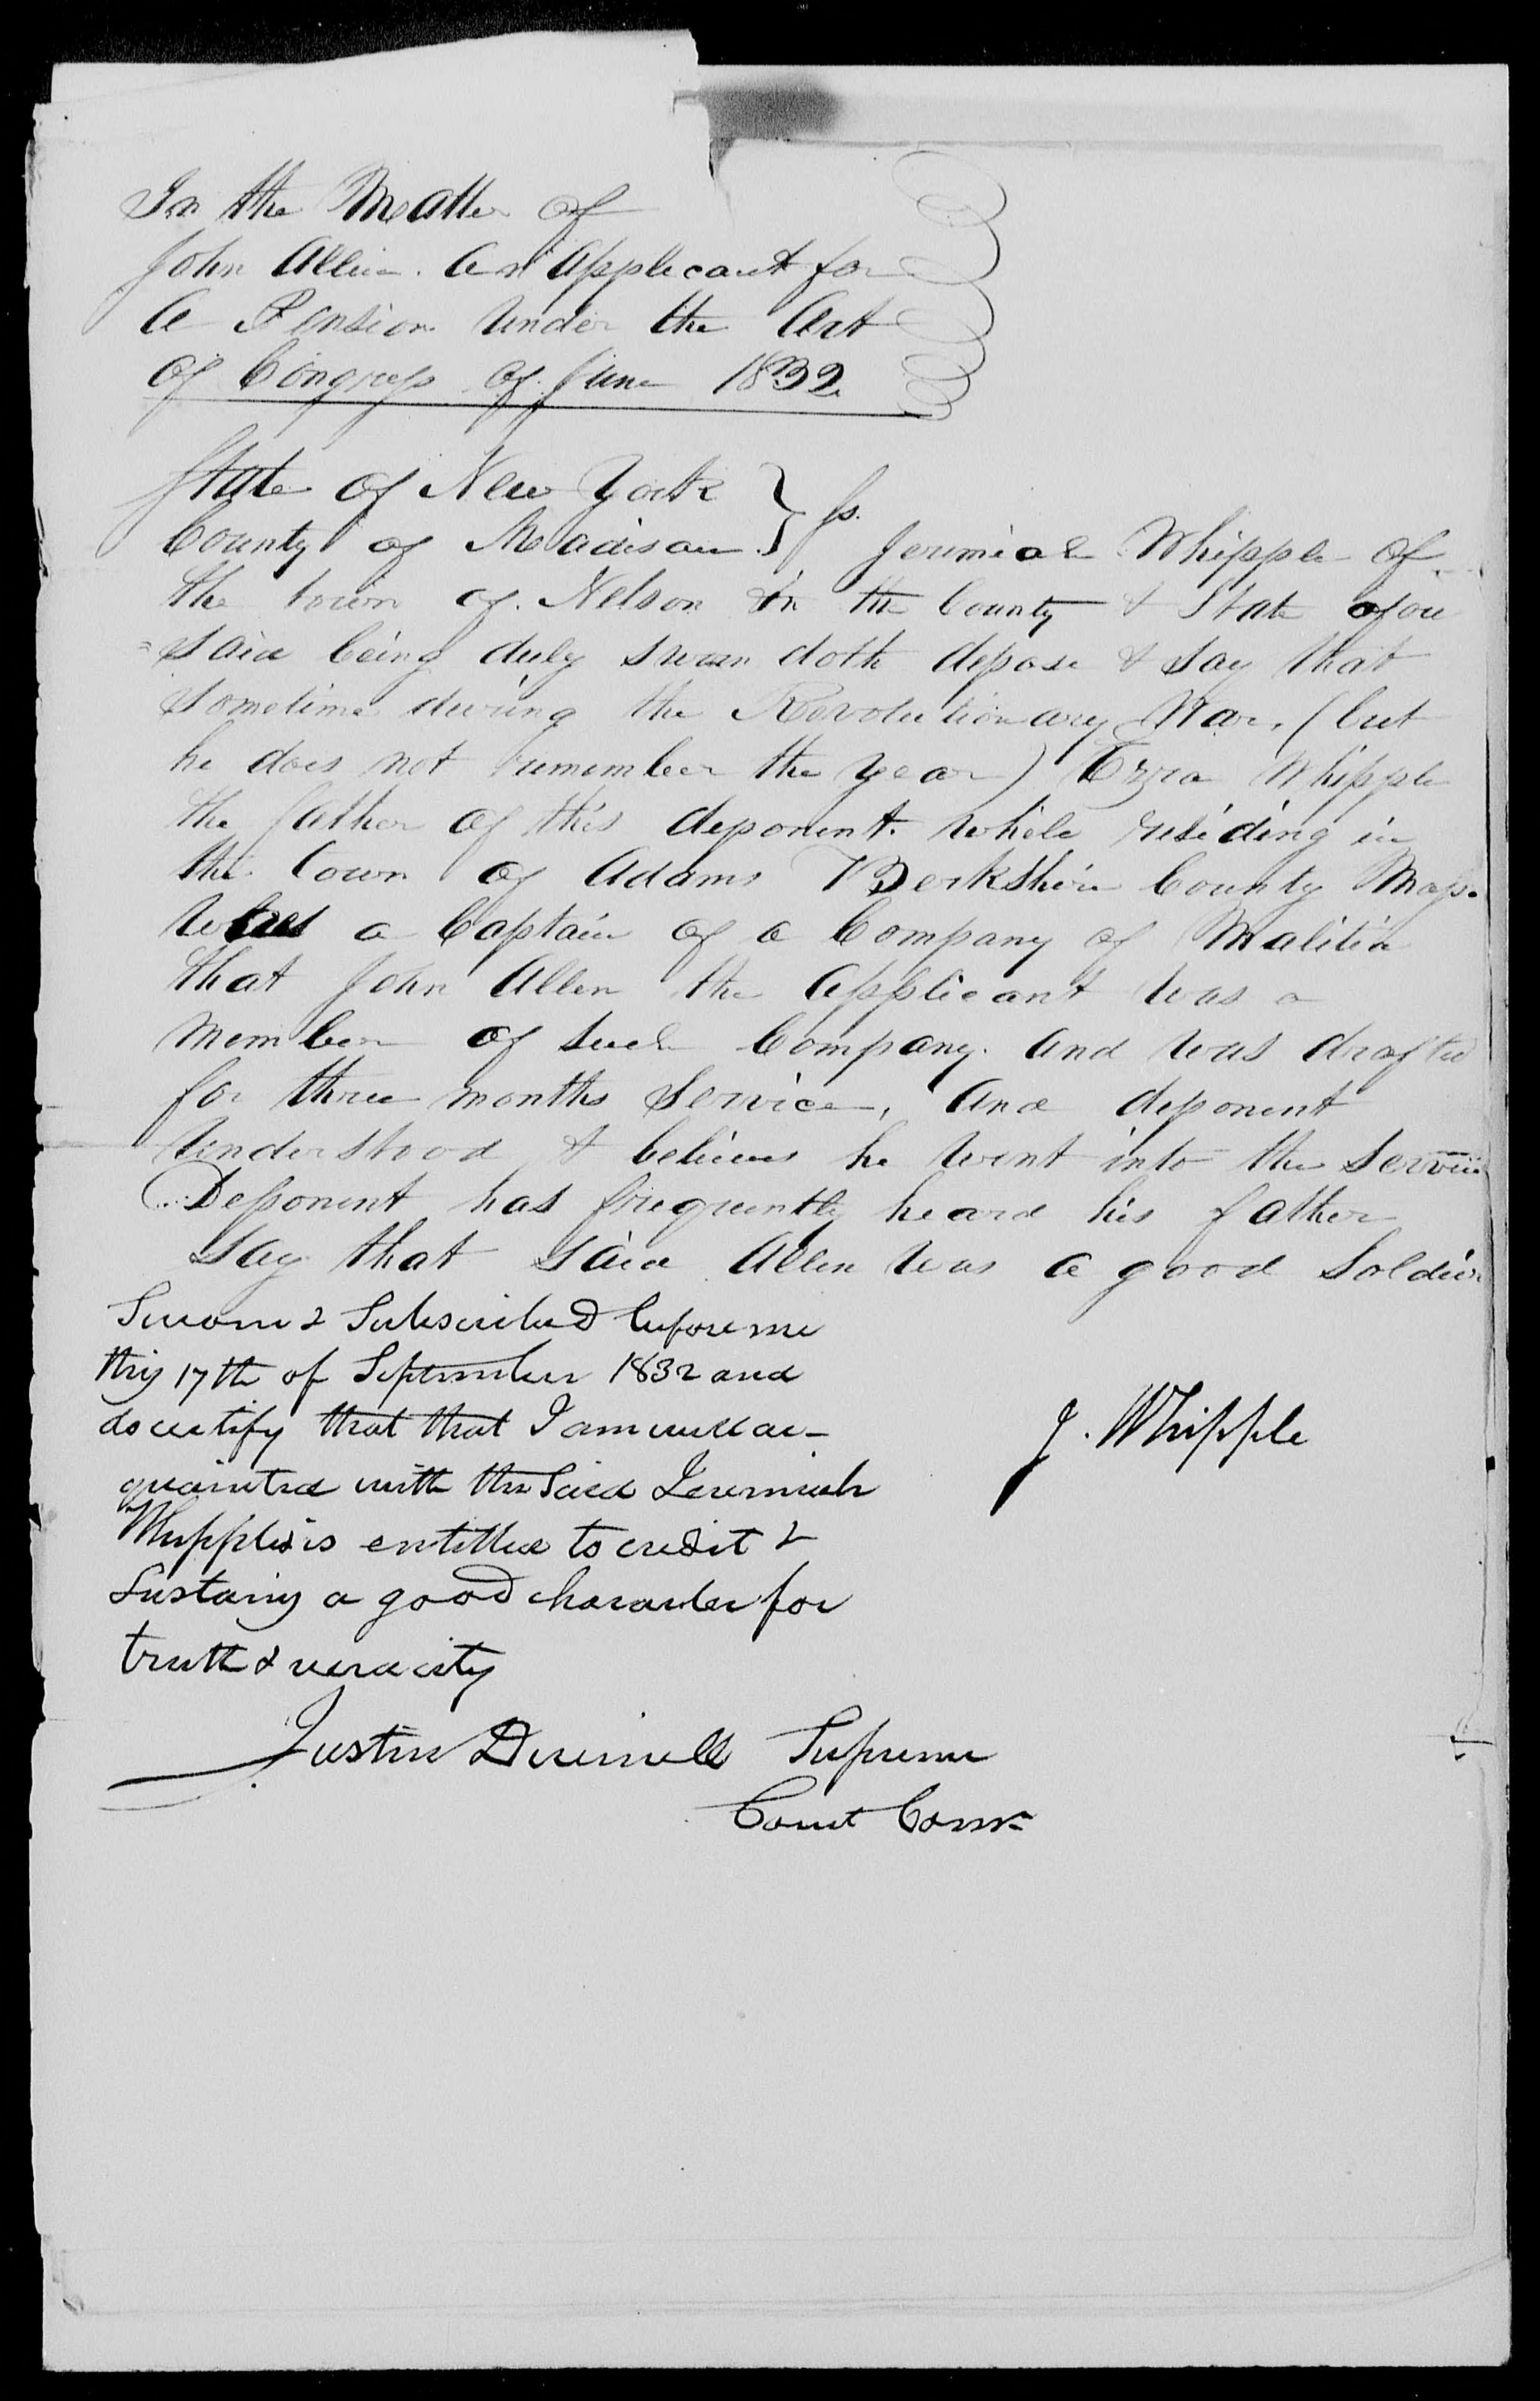In the Matter of John Allen. An applicant for a Pension under the Act of Congress of June 1832|
State of New York County of Madison} Ss. Jeremiah Whipple of the town of Nelson in the County & State aforesaid being duly sworn doth depose & say that sometime during the Revolutionary War (but he does not remember the year) Ezra Whipple the father of this deponent while residing in the town of Adams Berkshire County Mass [illegible] a Captain of a Company of Malitia [sic] that John Allen the Applicant was a member of such Company. And was drafted for three months service, and deponent understood & believes he went into the service Deponent has frequently heard his father say that said Allen was a good Soldier 
J. Whipple [signature]
Sworn & Subscribed before me 
this 17th of September 1832 and 
do certify that that I am well 
acquainted with This said Jeremiah Whipple is entitled to credit & 
Sustains a good character for truth & veracity 
Justin Dwinell Supreme Court Comr.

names: Allen, John Allen, Jeremiah Whipple, Jeremiah Whipple, J Whipple, John Allen, Ezra Whipple, Justin Dwinell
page: 4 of 74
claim: widow's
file: W. 23424, John Allen, Mass. R. I.